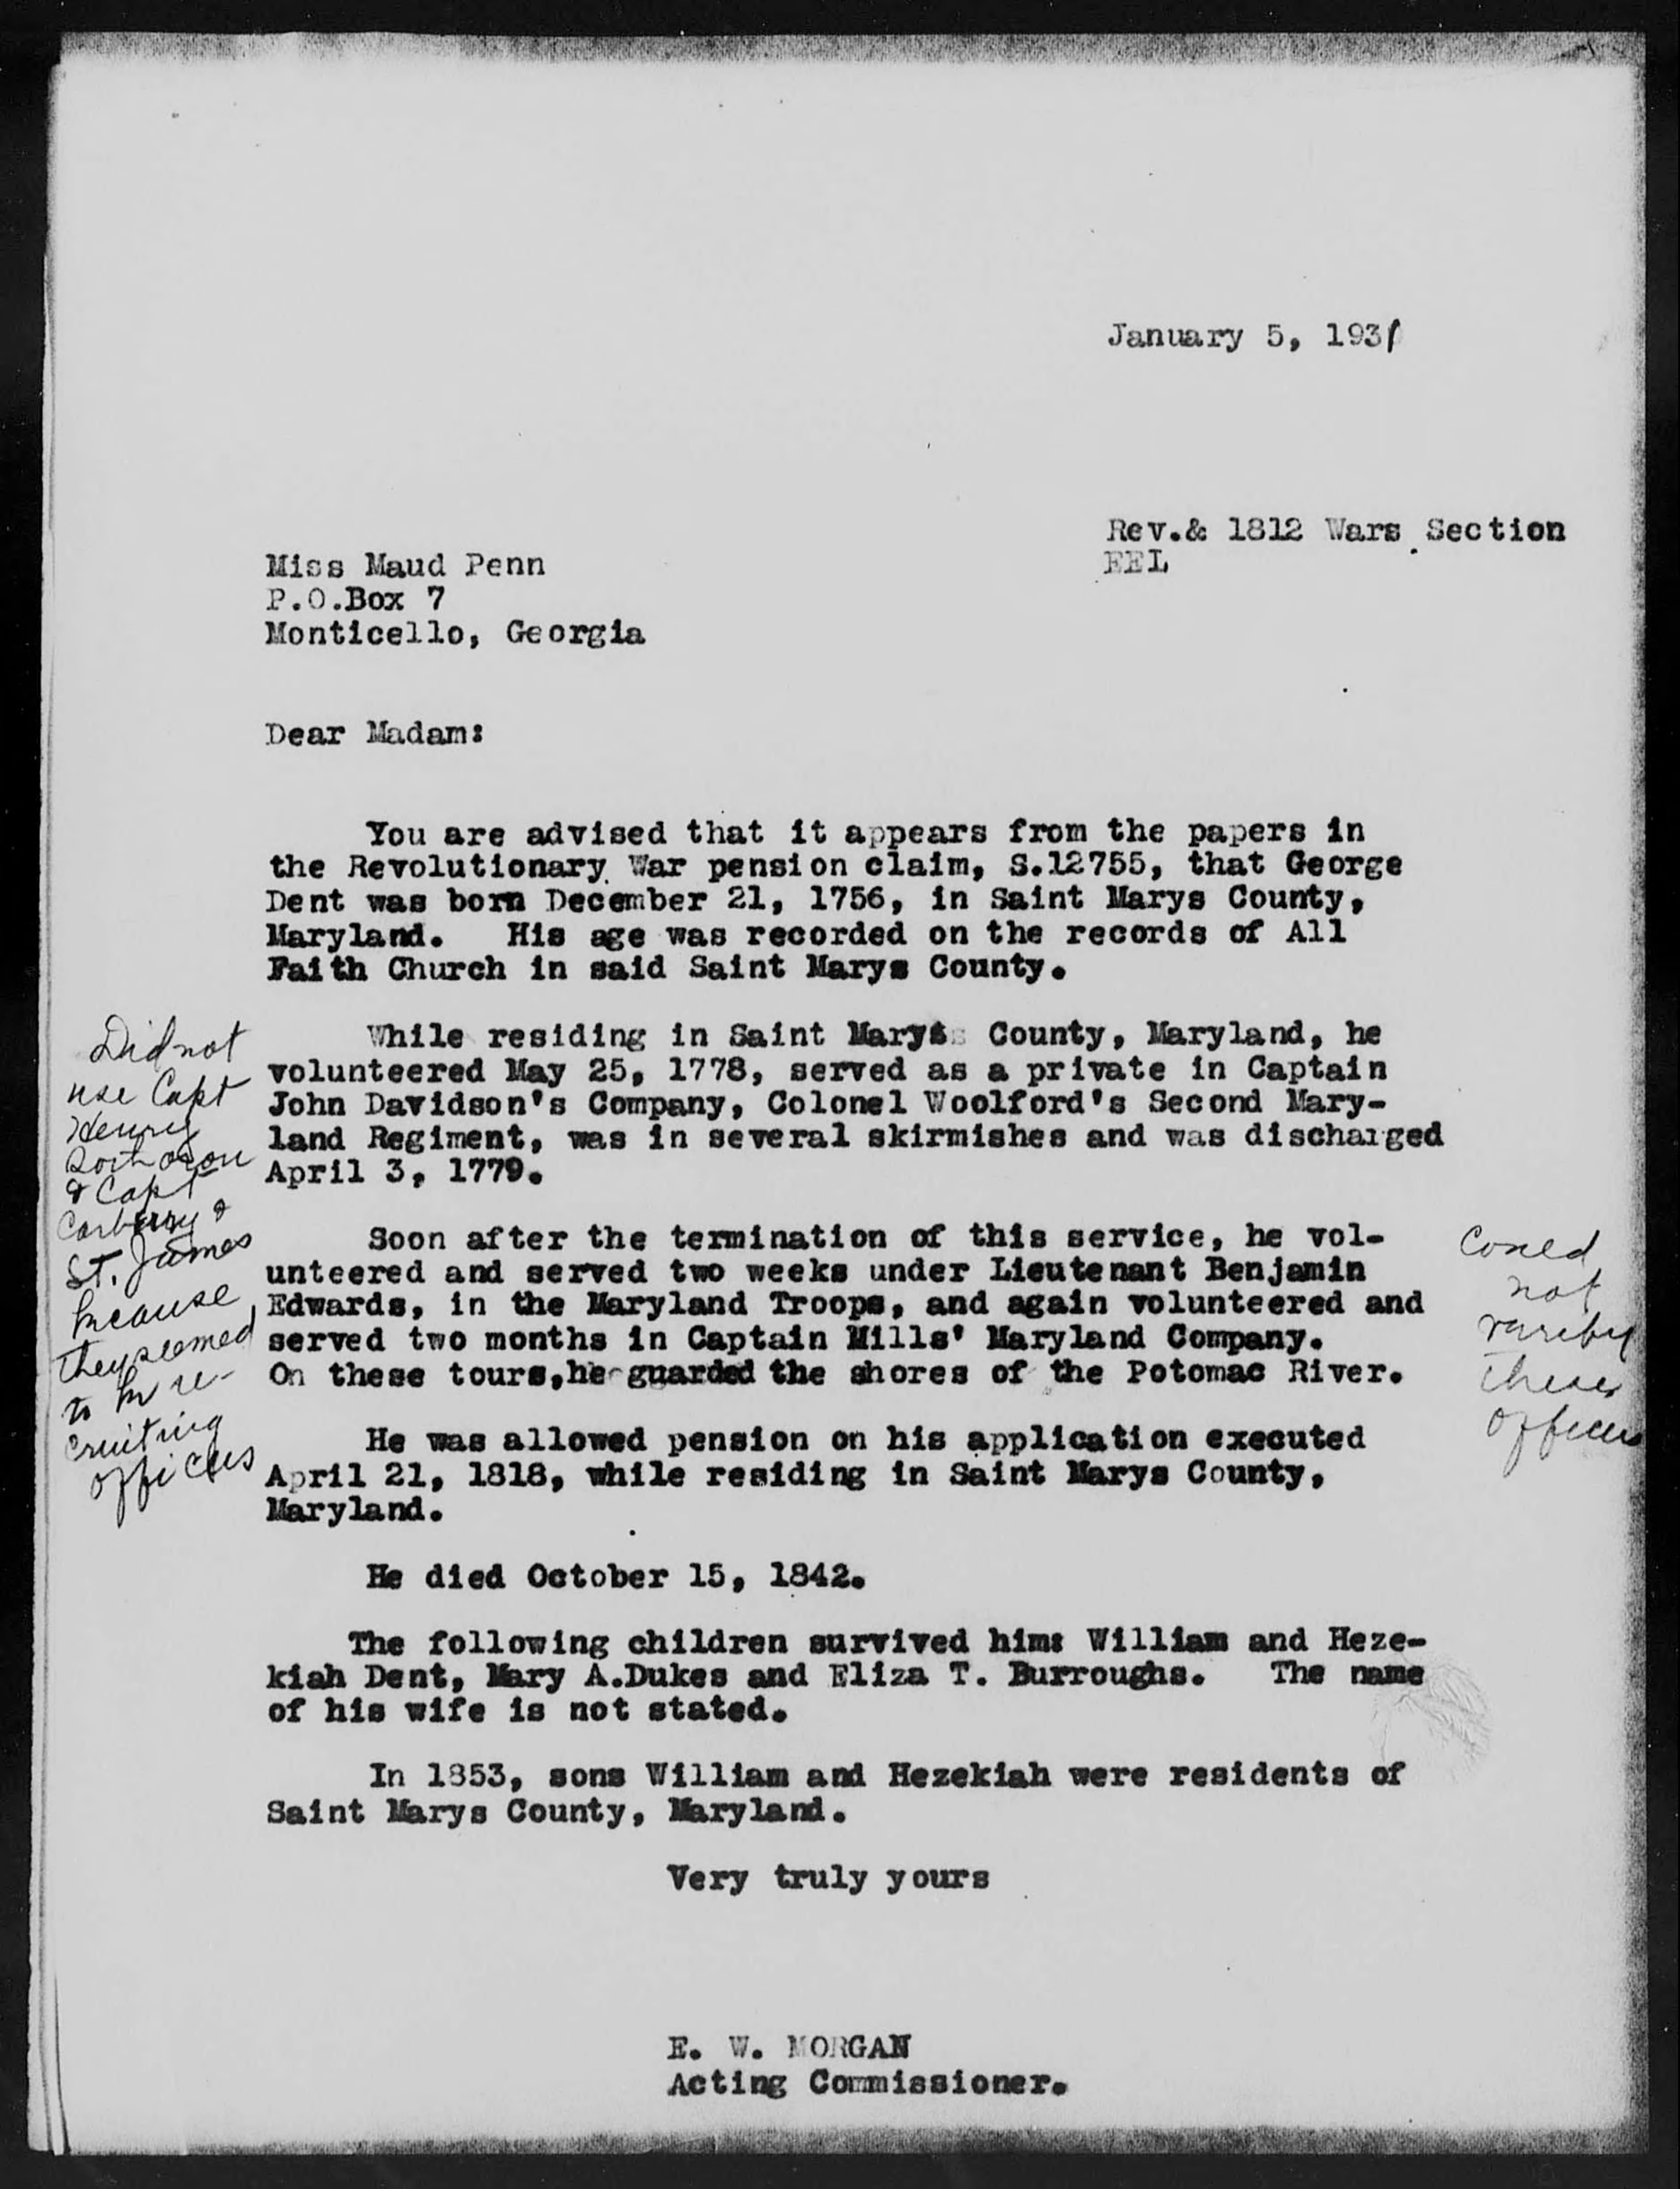[typewritten]
Rev. & 1812 Wars Section
EEL
Miss Maud Penn
P.O. Box 7
Monticello, Georgia
Dear Madam:
You are advised that it appears from the papers in the Revolutionary War pension claim, S. 12755, that George Dent was born December 21, 1765, in Saint Marys County, Maryland.  His age was recorded on the records of All Faith Church in said Saint Marys County.
While residing in Saint Marys County, Maryland, he volunteered May 25, 1778, served as a private in Captain John Davidson's Company, Colonel Woolford's Second Maryland Regiment, was in several skirmishes and was discharged April, 3, 1779.
Soon after the termination of this service, he volunteered and served two weeks under Lieutenant Benjamin Edwards, in the Maryland Troops, and again volunteered and served two months in Captain Mills' Maryland Company.  On these tours, he guarded the shores of the Potomac River.
He was allowed pension on his application executed April 21, 1818, while residing in St. Marys County, Maryland.
He died October 15, 1842.
The following children survived him:  William and Hezekiah Dent, Mary A. Dukes and Eliza T. Burroughs.  The name of his wife is not stated.
In 1853, sons William and Hezekiah were residents of Saint Marys County, Maryland.
Very truly yours
E.W. MORGAN Acting Commissioner.
[handwritten in left margin]
Did not use Capt. Henry Dorthoron and Capt. Carberry and St. James because they seemed to be recruiting officers
[handwritten in right margin]
could not verify these officers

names: Henry, William Dent, Benjamin Edwards, E W Morgan, William, Carberry, Eliza T Burroughs, George Dent, Mary A Dukes, Maud Penn, Hezekiah Dent, Hezekiah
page: 24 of 49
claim: survivor's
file: S. 12755, George Dent, Md.